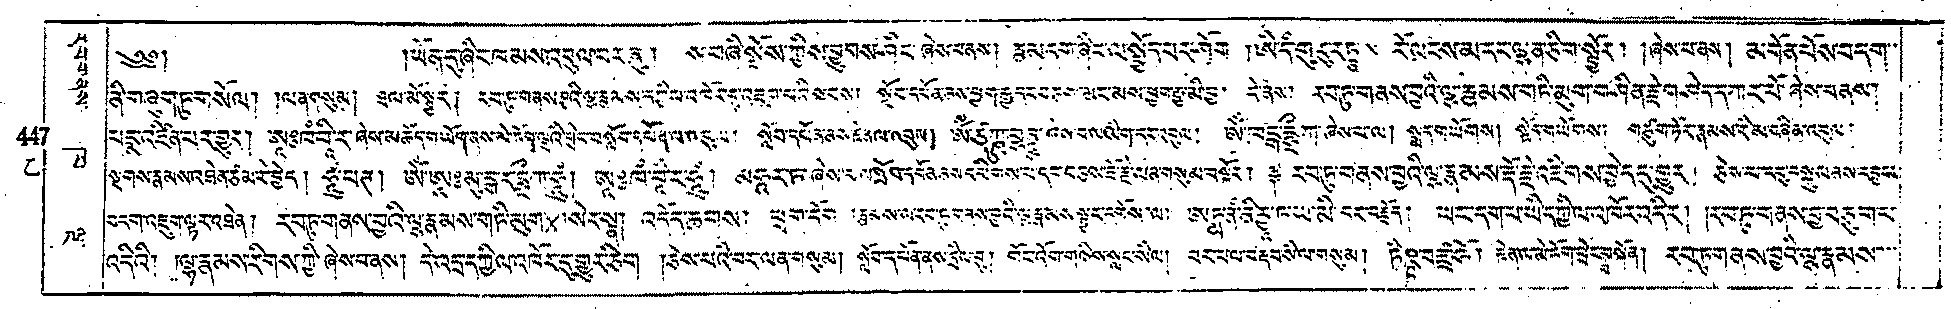༄༅། །ཡོན་དུ་ཞིང་ཁམས་འབུལ་བར་ཞུ། ས་གཞི་སྤོས་ཀྱིས་བྱུགས་ཤིང་ཞེས་པ་ནས།  རྣམ་དག་ཞིང་ལ་སྤྱོད་པར་ཤོག །ཨི་དཾ་གུ་རུ་རཏྣ་྾་རོ་ལངས་མ་དང་ལྷན་ཅིག་སྦྱོར། །ཞེས་པ་ནས།  མགོན་པོས་བདག་
ནི་གཞུག་ཏུ་གསོལ། །ལན་གསུམ། ཐལ་མོ་སྦྱར། རབ་ཏུ་གནས་བྱའི་ལྷ་རྣམས་དཀྱིལ་འཁོར་དུ་འཇུག་པའི་སྐབས། སློབ་དཔོན་ནས་ཕྱག་རྒྱ་དང་བཅས་མང་མས་ཕྱག་རྒྱ་མི་བྱ། དེ་ནས།  རབ་ཏུ་གནས་བྱའི་ལྷ་རྣམས་གཏི་མུག་གཤིན་རྗེ་གཤེད་དཀར་པོ་ཞེས་པ་ནས།
པདམ་འཛིན་པར་གྱུར། ཨཱཿཁཾ་བིའུ་ར་ཞེས་མཆོད་གཡོག་ནས་མེ་ཏོག་ལྔའི་ཕྲེང་བསློབ་དཔོན་ལ་འབུལ། སློབ་དཔོན་ནས་རྟེན་ལ་འབུལ། ཨོཾ་ཙཀྵུ་བྷ་ནྡྷ་ཞེས་བལ་ལེག་དར་འབུལ།  ཨོཾ་ཁངྒ་དྷྲྀ་ཀ་ཞེས་པ་ལ། སྨད་གཡོགས། སྟོད་གཡོགས། གཙུག་ཏོར་རྣམས་རིམ་བཞིན་འབུལ།
སྔགས་རྣམས་འཐེན་ཙམ་རེ་བྱེད། ཧཱུཾ་ཕཊ། ཨོཾ་ཨཱཿམུ་ངྒ་ར་དྷྲྀ་ཀ་ཧཱུཾ། ཨཱཿཁཾ་བཱི་ར་ཧཱུཾ། མཧཱར་ཏ་ཞེས་པལ་སློབ་དཔོན་ནས་དམིགས་པ་དང་བཅས་རྡོ་རྗེ་ལན་གསུམ་བསྐོར།  འ་རབ་ཏུ་གནས་བྱའི་ལྷ་རྣམས་རྡོ་རྗེ་འཇིགས་བྱེད་དུ་གྱུར། ཅེས་པ་དབུ་བསྐུལ་ནས་དབྱངས་
བདག་འཇུག་ལྟར་འཐེན། རབ་ཏུ་གནས་བྱའི་ལྷ་རྣམས་གཏི་མུག་྾་།སེར་སྣ། འདོད་ཆགས། ཕྲག་དོག་།རྣམས་ལ་རབ་ཏུ་གནས་བྱའི་ལྷ་རྣམས་སྦྱར་དགོས་ལ།  ཨཏྨ་ནཾ་ནིརྱཱ་ཏ་ཡ་མི་བར་བརྗོད། ཡང་དག་པ་ཡི་དཀྱིལ་འཁོར་འདིར། །རབ་ཏུ་གནས་བྱ་བཅུག་པ་
འདིའི། །ལྷ་རྣམས་རིགས་ཀྱི་ཞེས་པ་ནས།  དེ་འདྲ་དཀྱིལ་འཁོར་དུ་གྱུར་ཅིག་།ཅེས་པའི་བར་ལན་གསུམ། སློབ་དཔོན་ནས་དྲིལ་བུ། གོང་འོག་གཉིས་སླང་སིལ། བར་པ་ལ་བརྡབ་སིལ་གསུམ།  ཏིཥཊཿཨ་བཛྲ་ཧོ། རྟེན་ལ་མེ་ཏོག་ཕྲེང་བ་བསྐོན། རབ་ཏུ་གནས་བྱའི་ལྷ་རྣམས་